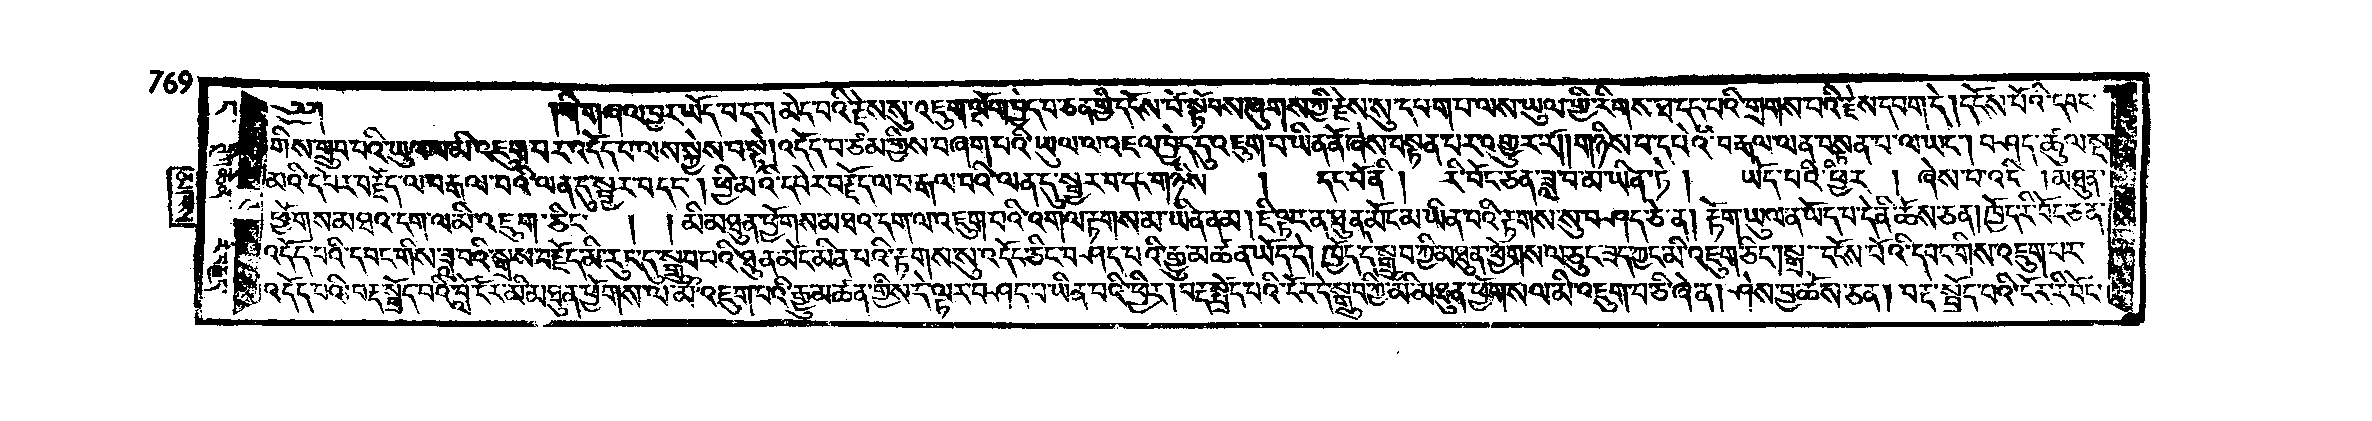༄༅། །གི་གཞལ་བྱར་ཡོད་པ་དང་། མེད་པའི་རྗེས་སུ་འཇུག་ལྡོག་བྱེད་པ་ཅན་གྱི་དངོས་པོ་སྟོབས་ཞུགས་ཀྱི་རྗེས་སུ་དཔག་པ་ལས་ཡུལ་གྱི་རིགས་ཐ་དད་པའི་གྲགས་པའི་རྗེས་དཔག་དེ། དངོས་པོའི་དབང་
གིས་གྲུབ་པའི་ཡུལ་ལ་མི་འཇུག་པར་འདོད་པ་ལས་སྐྱེས་པ་སྟེ། འདོད་པ་ཙམ་གྱིས་བཞག་པའི་ཡུལ་ལ་འཇལ་བྱེད་དུ་འཇུག་པ་ཡིན་ནོ་ཞེས་བསྟན་པར་འགྱུར་རོ། །གཉིས་པ་དཔེའི་བརྒལ་ལན་བསྟན་པ་ལ་ཡང་། བཤད་ཚུལ་སྔ་
མའི་དཔེར་བརྗོད་ལ་བརྒལ་བའི་ལན་དུ་སྦྱར་བ་དང་། ཕྱི་མའི་དཔེར་བརྗོད་ལ་བརྒལ་བའི་ལན་དུ་སྦྱར་བ་དང་གཉིས། དང་པོ་ནི། རི་བོང་ཅན་ཟླ་བ་མ་ཡིན་ཏེ། ཡོད་པའི་ཕྱིར། ཞེས་པ་འདི། མཐུན་
ཕྱོགས་མཐའ་དག་ལ་མི་འཇུག་ཅིང་། །མི་མཐུན་ཕྱོགས་མཐའ་དག་ལ་འཇུག་པའི་འགལ་རྟགས་མ་ཡིན་ནམ། ཇི་ལྟར་ན་ཐུན་མོང་མ་ཡིན་པའི་རྟགས་སུ་བཤད་ཅེ་ན། རྟོག་ཡུལ་ན་ཡོད་པ་དེ་ནི་ཆོས་ཅན། ཁྱོད་རི་བོང་ཅན་
འདོད་པའི་དབང་གིས་ཟླ་བའི་སྒྲས་བརྗོད་མི་རུང་དུ་སྒྲུབ་པའི་ཐུན་མོང་མིན་པའི་རྟགས་སུ་འདོད་ཅིང་བསཧད་པའི་རྒྱུ་མཚན་ཡོད་དེ། ཁྱོད་དེ་སྒྲུབ་ཀྱི་མཐུན་ཕྱོགས་ལ་ཅུང་ཟད་ཀྱང་མི་འཇུག་ཅིང་། སྒྲ་དངོས་པོའི་དབང་གིས་འཇུག་པར་
འདོད་པའི་བརྡ་སྤྲོད་པའི་བློ་ངོར་མི་མཐུན་ཕྱོགས་ལ་མི་འཇུག་པའི་རྒྱུ་མཚན་གྱིས་དེ་ལྟར་བཤད་པ་ཡིན་པའི་ཕྱིར། བརྡ་སྤྲོད་པའི་ངོར་དེ་སྒྲུབ་ཀྱི་མི་མཐུན་ཕྱོགས་ལ་མི་འཇུག་པ་ཅི་ཞེ་ན། ཤེས་བྱ་ཆོས་ཅན། བརྡ་སྤྲོད་པའི་ངོར་རི་བོང་